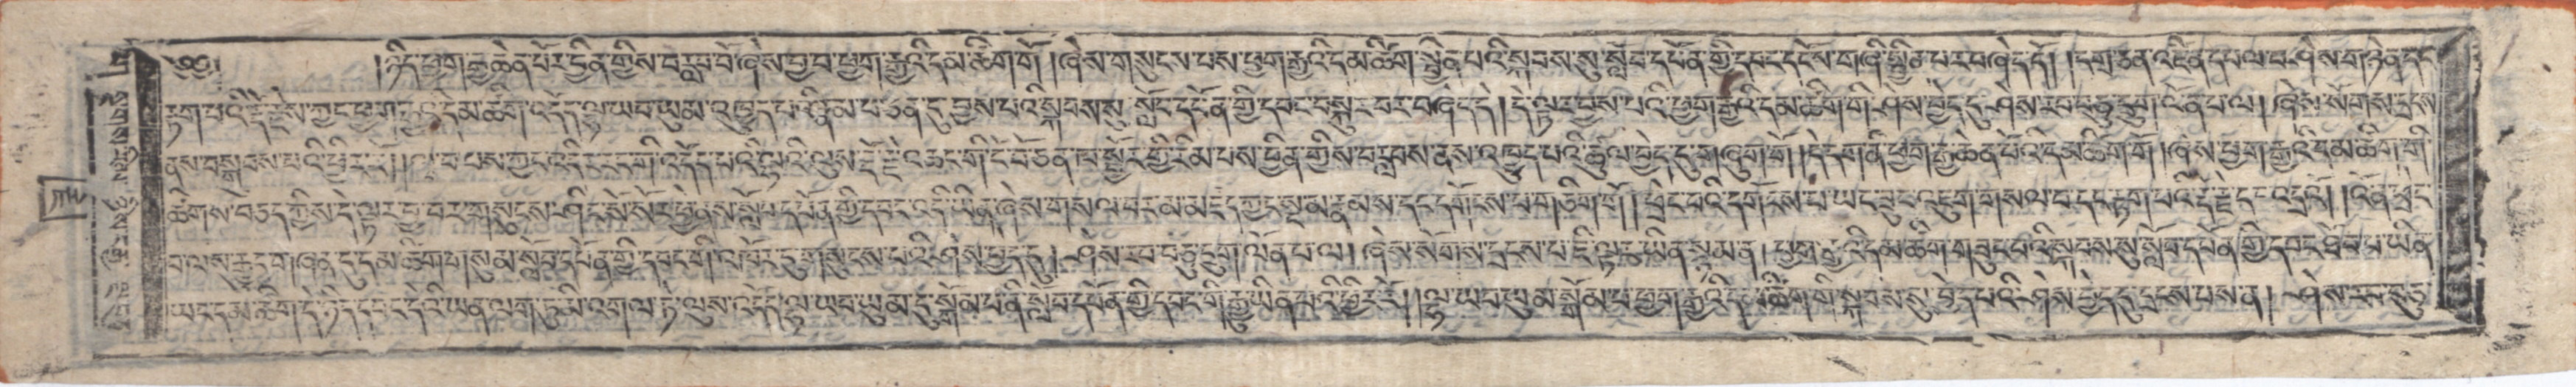༄༅། །ཉིད་ཕྱག་རྒྱ་ཆེན་པོར་བྱིན་གྱིས་བརླབ་པོ་ཞེས་བྱ་བ་ཕྱག་རྒྱའི་དམ་ཚིག་གོ །ཞེས་གསུངས་པས་ཕྱག་རྒྱའི་དམ་ཚིག་སྦྱིན་པའི་སྐབས་སུ་སློབ་དཔོན་གྱི་དབང་དངོས་གཞི་སྦྱིན་པར་བཞེད་དོ། །དགྲ་ཅན་འཛིན་དཔལ་བཤེས་གཉེན་དང་
རྟག་པའི་རྡོ་རྗེས་ཀྱང་ཕྱག་རྒྱའི་དམ་ཚིག་འདོད་ལྷ་ཡབ་ཡུམ་འཁྱུད་པའི་རྣམ་པ་ཅན་དུ་བྱས་པའི་སྐབས་སུ་སློབ་དཔོན་གྱི་དབང་བསྐུར་བར་བཞེད་དེ། དེ་ལྟར་བྱས་པའི་ཕྱག་རྒྱའི་དམ་ཚིག་གི་ཤེས་བྱེད་དུ་ཤེས་རབ་བཅུ་དྲུག་ལོན་པ་ལ། ཞེས་སོགས་དྲངས་
ནས་བསྒྲུབས་པའི་ཕྱིར་རོ། །ལྭ་བ་པས་ཀྱང་འདིར་རང་གི་འདོད་པའི་ལྷའི་ལུས་རྡོ་རྗེ་འཆང་གི་ངོ་བོ་ཅན་ཁ་སྦྱོར་གྱི་རིམ་པས་བྱིན་གྱིས་བརླབས་ནས་འཁྱུད་པའི་ཚུལ་བྱེད་དུ་གཞུག་གོ །དེ་དག་ནི་ཕྱག་རྒྱ་ཆེན་པོའི་དམ་ཚིག་གོ །ཞེས་ཕྱག་རྒྱའི་དམ་ཚིག་གི་
ཚིགས་བཅད་ཀྱིས་དེ་ལྟར་བྱ་བར་གསུངས་ཤིང་སོ་སོར་ཕྱེ་ནས་སློབ་དཔོན་གྱི་དབང་འདི་ཡིན་ཞེས་གསལ་བར་མ་མཛད་ཀྱང་སྔ་མ་རྣམས་དང་དགོངས་པ་གཅིག་གོ །ཕྲེང་བའི་དགོངས་པ་ཡང་ཟུང་འཇུག་གསལ་བ་དང་རྟག་པའི་རྡོ་རྗེ་དང་འདྲའོ། །འོ་ན་ཕྲེང་
བ་ལས་རྒྱུད་གཞན་དུ་དམ་ཚིག་གསུམ་སློབ་དཔོན་གྱི་དབང་གི་འཁོར་དུ་གསུངས་པའི་ཤེས་བྱེད་དུ། ཤེས་རབ་བཅུ་དྲུག་ལོན་པ་ལ། ཞེས་སོགས་དྲངས་པ་ཇི་ལྟར་ཡིན་སྙམ་ན། ཕྱག་རྒྱའི་དམ་ཚིག་གཟུང་བའི་སྐབས་སུ་སློབ་དཔོན་གྱི་དབང་ཐོབ་པ་ཡིན་
ཡང་དམ་ཚིག་དེ་ཉིད་དབང་དེའི་ཡན་ལག་ཏུ་མི་འགལ་ཏེ་ལུས་འདོད་ལྷ་ཡབ་ཡུམ་དུ་སྒོམ་པ་ནི་སློབ་དཔོན་གྱི་དབང་གི་རྒྱུ་ཡིན་པའི་ཕྱིར་རོ། །ལྷ་ཡབ་ཡུམ་སྒོམ་པ་ཕྱག་རྒྱའི་དམ་ཚིག་གི་སྐབས་སུ་བྱེད་པའི་ཤེས་བྱེད་དུ་དྲངས་པས་ན། ཤེས་རབ་བཅུ་